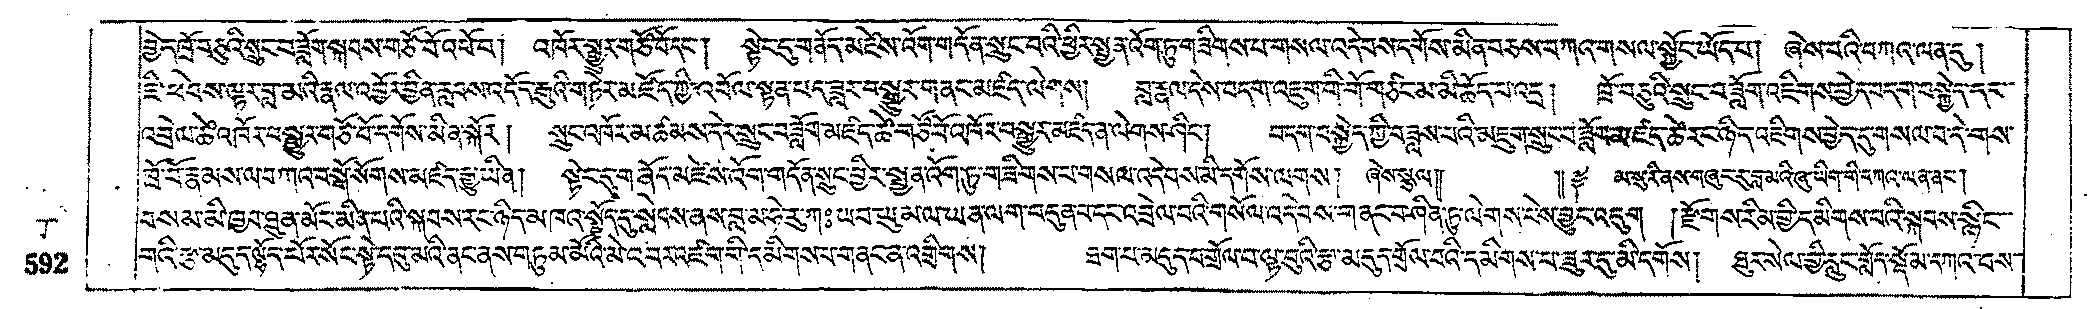བྱེད་ཁྲོ་བཅུའི་སྲུང་བཟློག་སྐབས་གཙོ་བོ་འཕོ་བ། འཁོར་སྒྱུར་གཙོ་བོ་དང་། སྟེང་དུ་གནོད་མཛེས་འོག་གདོན་སྲུང་བའི་ཕྱིར་སྤྱན་འོག་ཏུ་གཟིགས་པ་གསལ་འདེབས་དགོས་མིན་བཅས་བཀའ་གསལ་སྐྱོང་ཡོད་པ། ཞེས་པའི་བཀའ་ལན་དུ།
ཇི་ཕེབས་ལྟར་བླ་མའི་རྣལ་འབྱོར་བྱིན་རླབས་འདོད་རྒུའི་གཏེར་མཛོད་ཀྱི་འབོལ་སྟན་པད་ཟླར་བསྒྱུར་གནང་མཛད་ལེགས། བླ་རྣལ་དེས་བདག་འཇུག་གི་གོ་གཙང་མ་མི་ཆོད་པ་འདྲ། ཁྲོ་བཅུའི་སྲུང་བཟློག་འཇིགས་བྱེད་བདག་བསྐྱེད་དང་་་
འབྲེལ་ཚེ་འཁོར་བསྒྱུར་གཙོ་བོ་དགོས་མིན་སྐོར། སྲུང་འཁོར་མཚམས་དེར་སྲུང་བཟློག་མཛད་ཚེ་གཙོ་བོ་འཁོར་བསྒྱུར་མཛད་ན་ལེགས་ཤིང་། བདག་བསྐྱེད་ཀྱི་བཟླས་པའི་མཇུག་སྲུང་བཟློག་མཛད་ཚེ་རང་ཉིད་འཇིགས་བྱེད་དུ་གསལ་བ་དེ་གས་
ཁྲོ་བོ་རྣམས་ལ་བཀའ་བསྒོ་སོགས་མཛད་རྒྱུ་ཡིན། སྟེང་དུ་གནོད་མཛེས་འོག་གདོན་སྲུང་ཕྱིར་སྤྱན་འོག་ཏུ་གཟིགས་པ་གསལ་འདེབས་མི་དགོས་ལགས། ཞེས་སྩལ།། །།འ་མ་སུ་རི་ནས་གཞུང་རུ་བླ་མའི་ཞུ་ཡིག་གི་བཀའ་ལན་ནང་།
བསམ་མི་ཁྱབ་ཐུན་མོང་མིན་པའི་སྐབས་རང་ཉིད་མཁའ་སྤྱོད་དུ་སླེབས་ནས་བླ་མ་ཧེ་རུ་ཀཿ ཡབ་ཡུམ་ལ་ཡན་ལག་བདུན་པ་དང་འབྲེལ་བའི་གསོལ་འདེབས་གནང་བ་ཤིན་ཏུ་ལེགས་ངེས་བྱུང་འདུག །རྫོགས་རིམ་གྱི་དམིགས་པའི་སྐབས་སྙིང་་་
གའི་རྩ་མདུད་ལྷོད་པོར་སོང་སྟེ་དབུ་མའི་ནང་ནས་གཏུམ་མོའི་མེ་འབར་འཛག་གི་དམིགས་པ་གནང་ན་འགྲིགས། ཐག་པ་མདུད་པ་གྲོལ་བ་ལྟ་བུའི་རྩ་མདུད་གྲོལ་བའི་དམིགས་པ་ཟུར་དུ་མི་དགོས། ཐུར་སེལ་གྱི་རླུང་གློད་སྡོམ་དཀའ་བས་་་